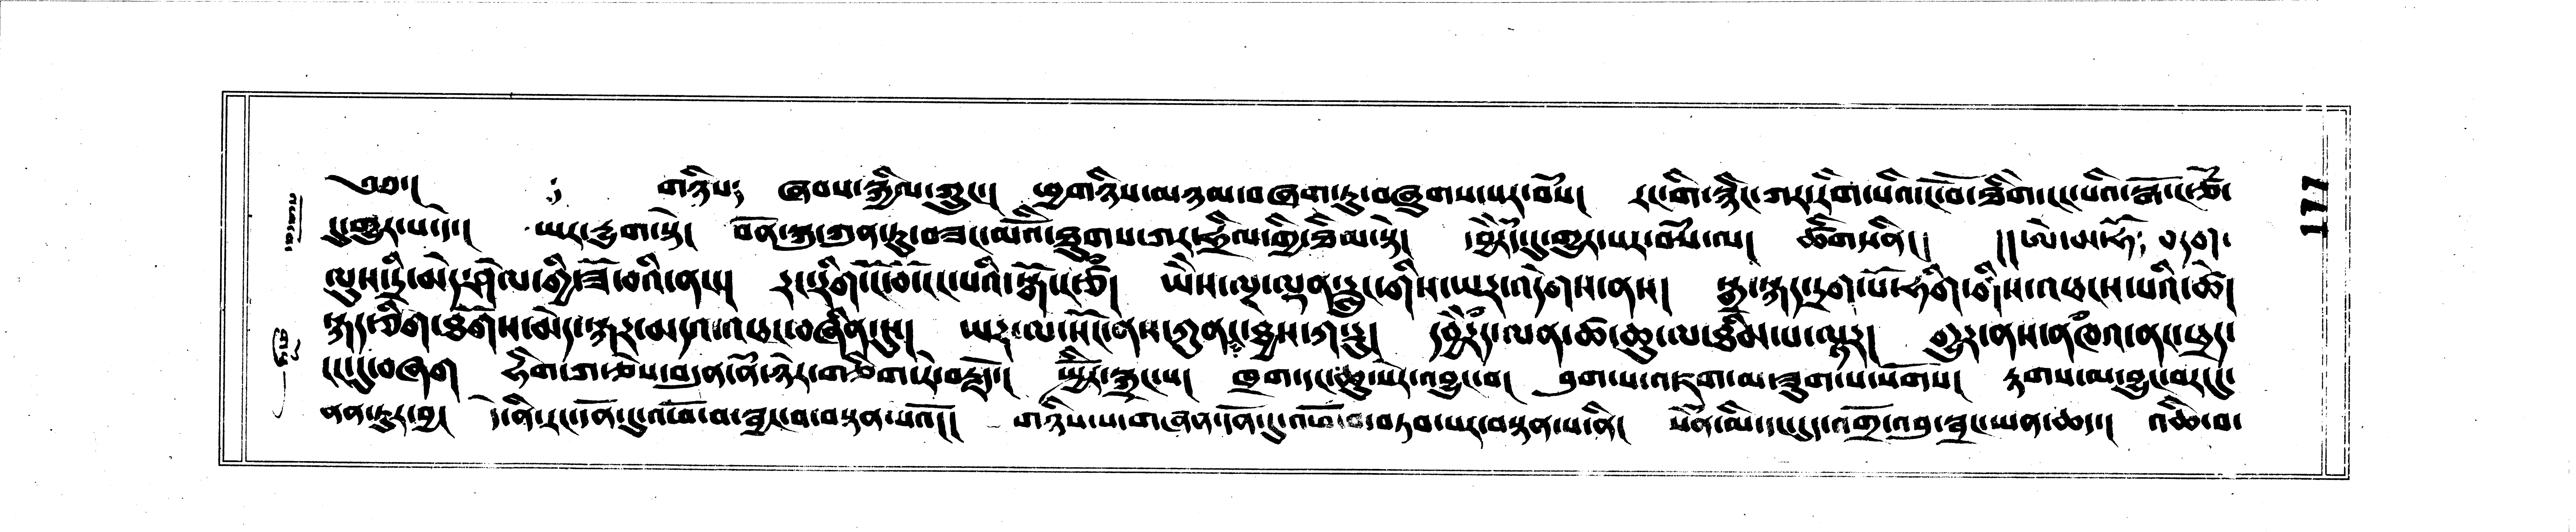གཉིས། ཞབས་སྐྱིལ་དཀྲུང་། ཕྱག་གཉིས་མཉམ་བཞག་ཏུ་བཞུགས་པར་བསམ། རང་གི་སྙིང་ཀར་རིག་པའི་ངོ་བོ་ཐིག་ལེ་ངང་པའི་སྒོང་ང་ཙམ་
དུ་གྱུར་པ་དེ། ཡར་རྒྱུག་སྟེ། བོན་སྐུ་ཀུན་ཏུ་བཟང་མོའི་ཐུགས་ཀར་ཧྲིལ་གྱིས་ཐིམ་སྟེ། དབྱེར་མེད་དུ་གྱུར་པར་བསམ་ལ། ཚིགས་བཤད་ནི། ཨེ་མ་ཧོ། བདག་བདག་
ལུས་དྲི་མེད་ཤེལ་གྱི་ཟོ་བའི་ནང་། །རང་རིག་ངོ་བོ་ངང་པའི་སྒོ་ང་ཙམ། །ཡེ་ཤེས་ལྔ་ལྡན་རླུང་གིས་ཡར་འདེགས་ནས། །སྒྲ་སྐད་དྲག་པོ་ཧིག་གིས་འཕངས་པའི་ཚེ།
 །སྐད་ཅིག་ཐོགས་མེད་སྐར་མདའ་འཕངས་པ་བཞིན། ཡར་ལ་སོང་ནས་ཀུན་བཟང་ཐུགས་ཀ་རུ། དབྱེར་མེད་ལན་ཚྭ་ཆུ་ལ་ཐིམ་པ་ལྟར། །གྱུར་ནས་ནམ་མཁའ་ནང་འཕྲད་
ངང་དུ་བཞག །ཧིག་ཀ་ཅེས་བདུན་ནམ་ཉེར་གཅིག་རེ་བརྗོད། སྤྱི་བོར་སྐྲང་པ། ཁྲག་དང་ཆུ་སེར་འབྱུང་བ། བུག་པ་འཇག་མ་ཟུག་པ་སོགས། རྟགས་མ་བྱུང་བར་དུ་
ནན་ཏུར་བྱ། དེ་ནི་རང་དོན་དུ་འཕོ་བ་སྦྱང་བ་བསྟན་པའོ།། །།གཉིས་པ་གཞན་དོན་དུ་འཕོ་བ་བཏབ་པར་བསྟན་པ་ནི། སེམས་ཅན་མི་དང་དུད་འགྲོ་འབུ་སྦྲང་ཡན་ཆད། འཆི་བ་